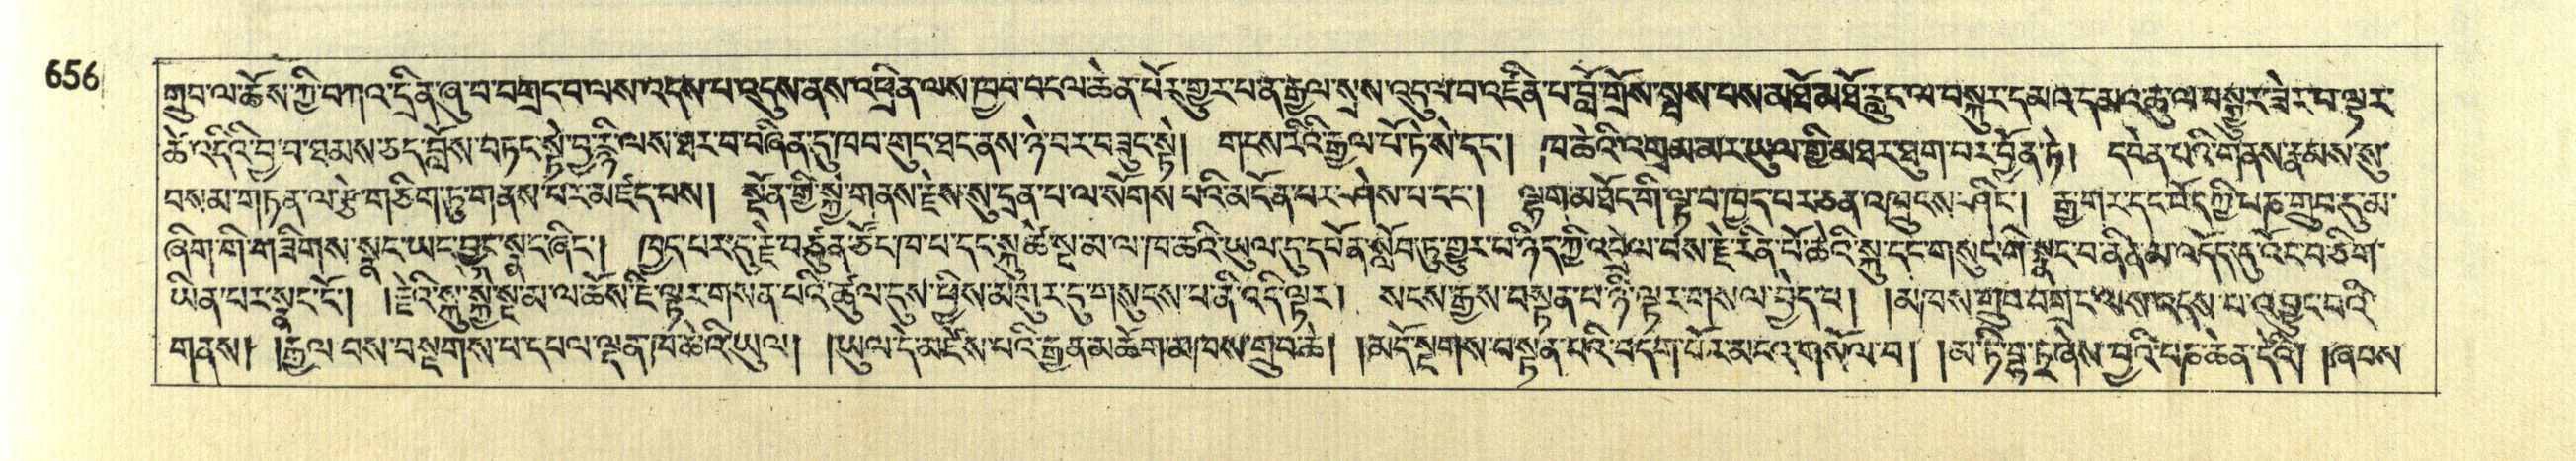གྲུབ་ལ་ཆོས་ཀྱི་བཀའ་དྲིན་ཞུ་བ་བགྲང་བ་ལས་འདས་པ་འདུས་ནས་འཕྲིན་ལས་ཁྱབ་བདལ?་ཆེན་པོར་གྱུར་པ་ན་རྒྱལ་སྲས་འདུལ་བ་འཛིན་པ་བློ་གྲོས་སྦས་པས་མཐོ་མཐོ་རླུང་ལ་བསྐུར་དམའ་དམའ་ཆུ་ལ་བསྐྱུར་ཟེར་བ་ལྟར་
ཚེ་འདིའི་བྱ་བ་ཐམས་ཅད་བློས་བཏང་སྟེ་བྱ་རྙི་ལས་ཐར་བ་བཞིན་དུ་ཁབ་གུང་ཐང་ནས་ཉེ་བར་བཟུང་སྟེ། གངས་རིའི་རྒྱལ་པོ་ཏེ་སེ་དང་། ཁ་ཆེའི་འགྲམ་མར་ཡུལ་གྱི་མཐར་ཐུག་བར་བྱོན་ཏེ། དབེན་པའི་གནས་རྣམས་སུ་
བསམ་གཏན་ལ་རྩེ་གཅིག་ཏུ་གནས་པར་མཛད་པས། སྔོན་གྱི་སྐྱེ་གནས་རྗེས་སུ་དྲན་པ་ལ་སོགས་པའི་མངོན་པར་ཤེས་པ་དང་། ལྷག་མཐོང་གི་ལྟ་བ་ཁྱད་པར་ཅན་འཁྲུངས་ཤིང་། རྒྱ་གར་དང་བོད་ཀྱི་པཎ་གྲུབ་དུ་མ་
ཞིག་གི་གཟིགས་སྣང་ཡང་བྱུང་སྣང་ཞིང་། ཁྱད་པར་དུ་རྗེ་བཙུན་ཙོང་ཁ་པ་དང་སྐུ་ཚེ་སྔ་མ་ལ་ཁ་ཆའི་ཡུལ་དུ་དཔོན་སློབ་ཏུ་གྱུར་པ་ཉིད་ཀྱི་འབྲེལ་བས་རྗེ་རིན་པོ་ཆེའི་སྐུ་དང་གསུང་གི་སྣང་བ་ནི་ནམ་འདོད་དུ་འོང་བ་ཅིག་
ཡིན་པར་སྣང་ངོ། །རྗེའི་སྐུ་སྐྱེ་སྔ་མ་ལ་ཆོས་ཇི་ལྟར་གསན་པའི་ཚུལ་དུས་ཕྱིས་མགུར་དུ་གསུངས་པ་ནི་འདི་ལྟར། སངས་རྒྱས་བསྟན་པ་ཉི་ལྟར་གསལ་བྱེད་པ། །མཁས་གྲུབ་བགྲང་ལས་འདས་པ་འབྱུང་བའི་
གནས། །རྒྱལ་བས་བསྔགས་པ་དཔལ་ལྡན་ཁ་ཆེའི་ཡུལ། །ཡུལ་དེ་མཛེས་པའི་རྒྱན་མཆོག་མཁས་གྲུབ་ཆེ། །མདོ་སྔགས་བསྟན་པའི་བདག་པོར་མངའ་གསོལ་བ། །མ་ཏི་བྷ་ཏྲ་ཞེས་བྱའི་པཎ་ཆེན་དེའི། །ཞབས་